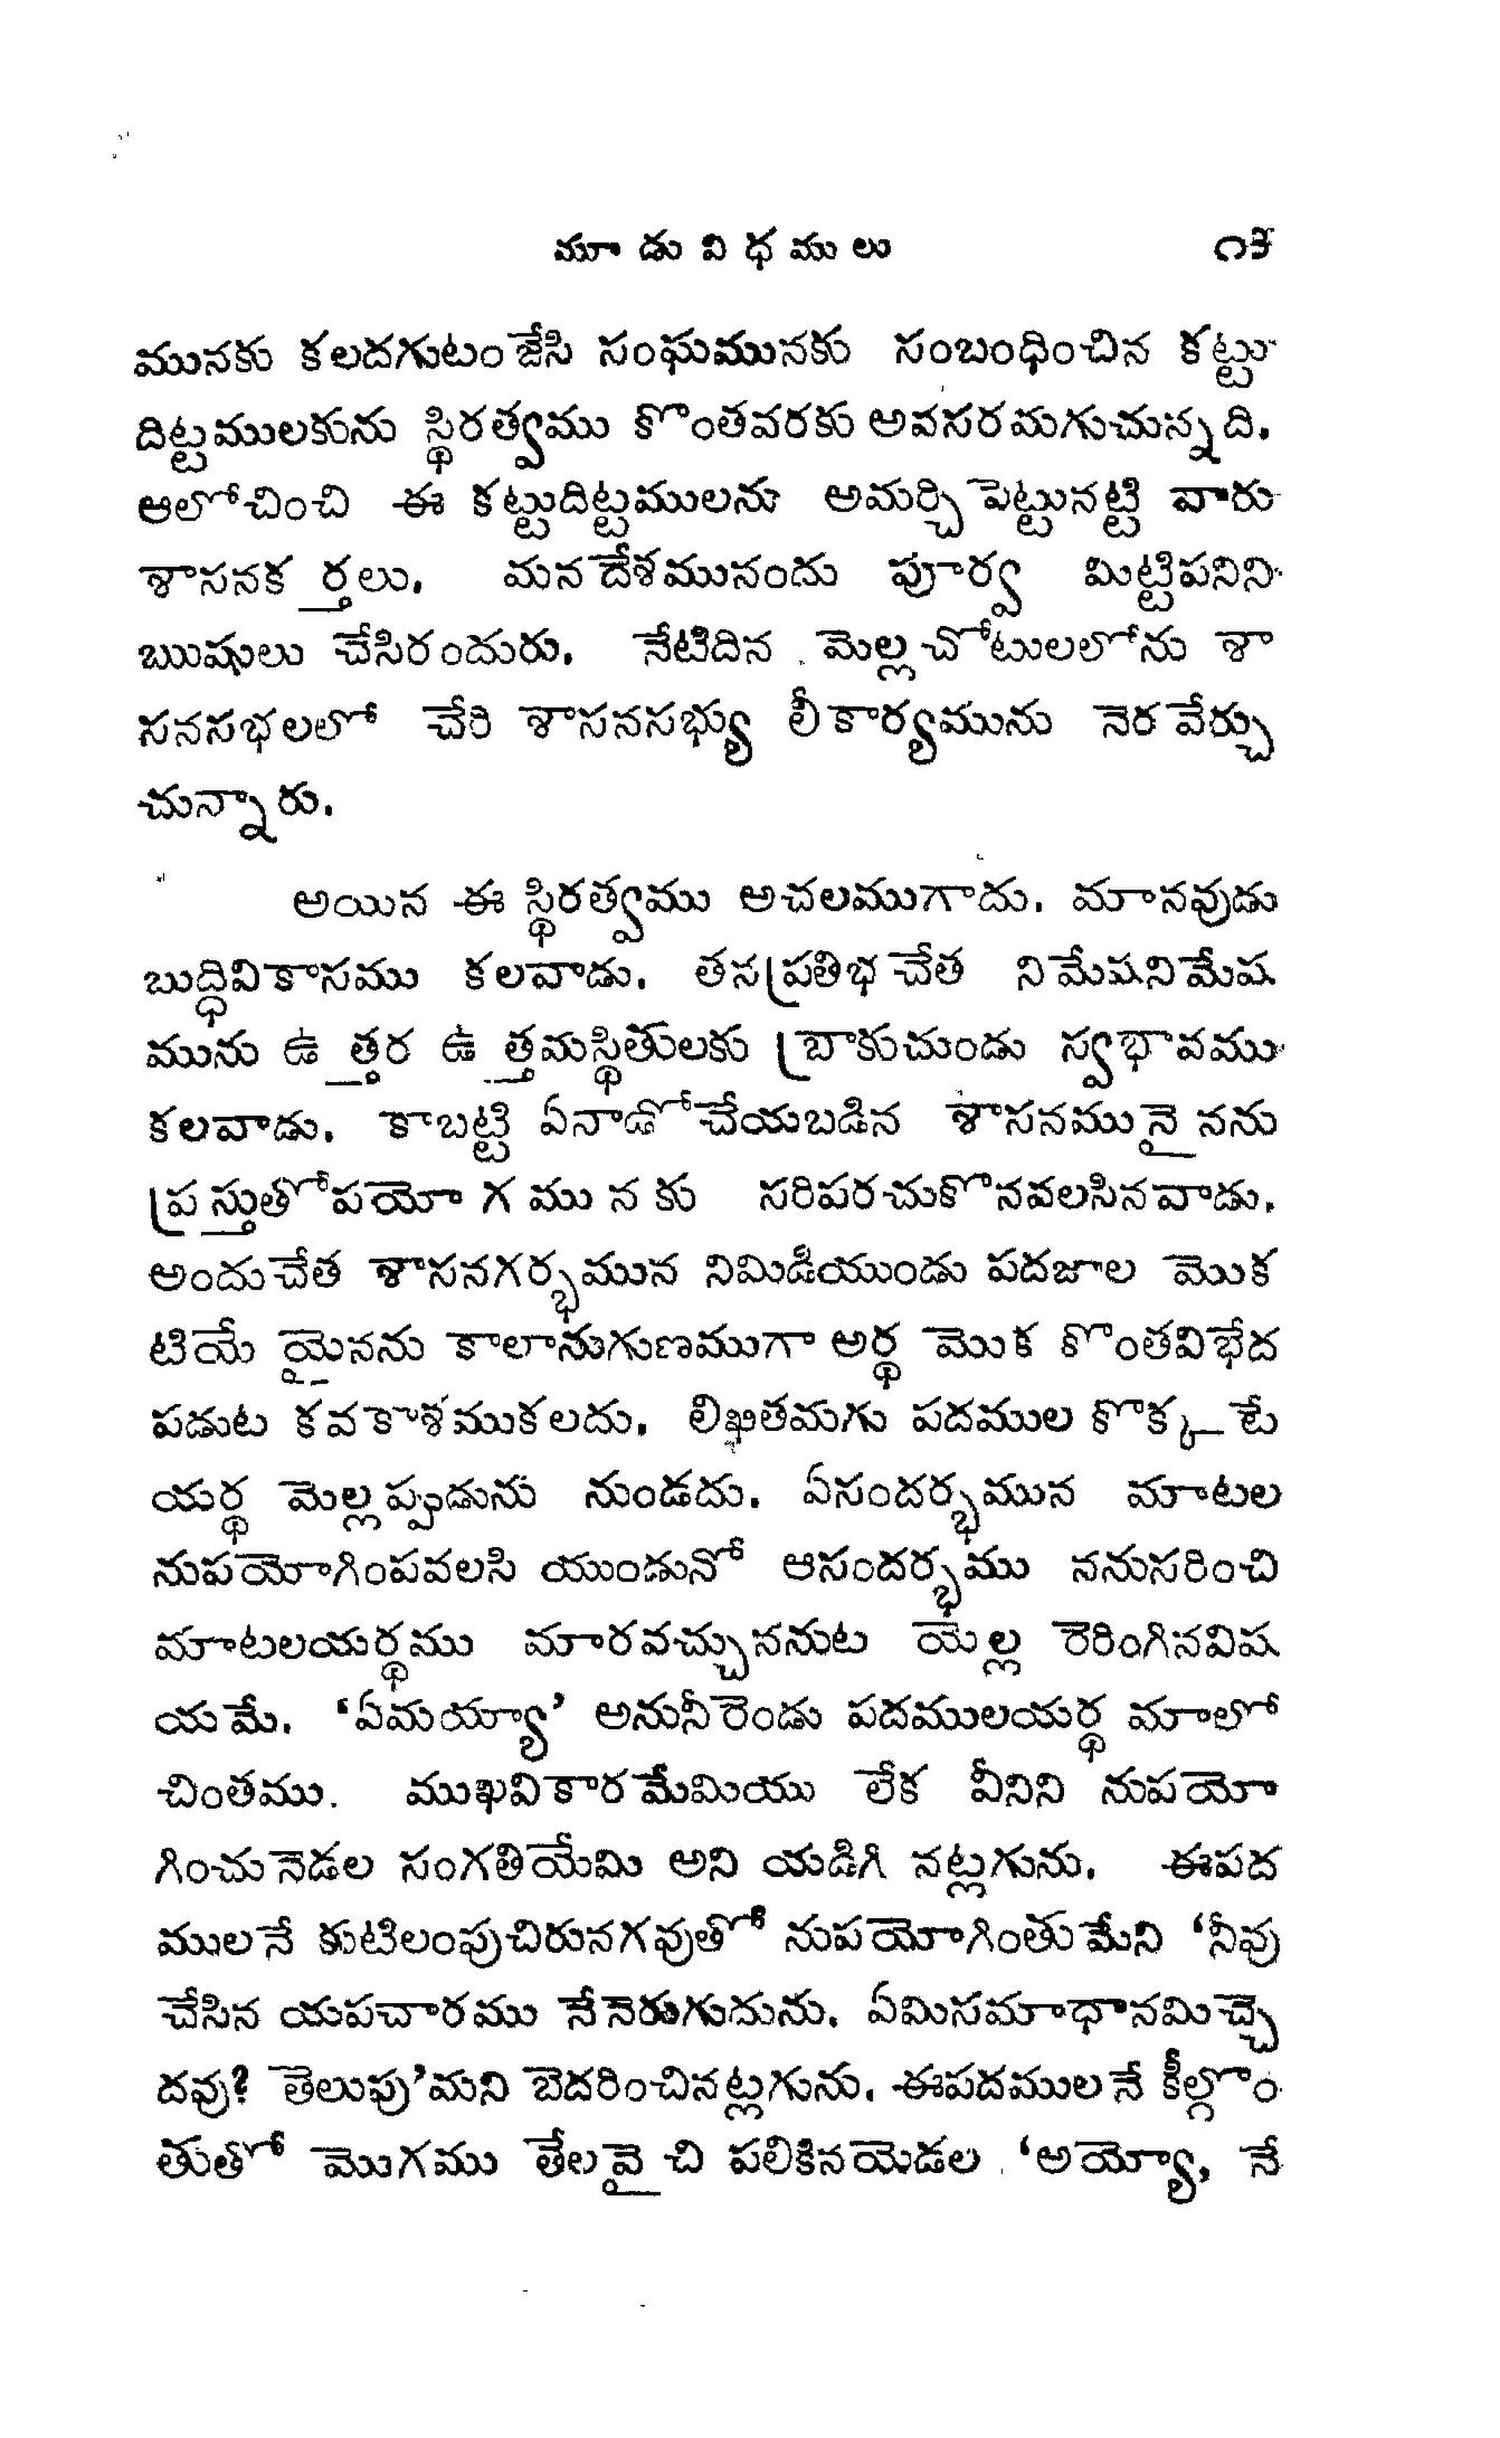మునకు కలదగుటంజేసి సంఘమునకు సంబంధించిన కట్టుదిట్టములకును స్థిరత్వము కొంతవరకు అవసరమగుచున్నది. ఆలోచించి ఈ కట్టుదిట్టములను అమర్చి పెట్టునట్టి వారు శాసనకర్తలు.
మనదేశమునందు పూర్వ మిట్టిపనిని ఋషులు చేసిరందురు. నేటిదిన మెల్లచోటులలోను శాసనసభలలో చేరి శాసనసభ్యు లీ కార్యమును నెరవేర్చుచున్నారు.

అయిన ఈ స్థిరత్వము అచలముగాదు. మానవుడు బుద్ధివికాసము కలవాడు. తనప్రతిభ చేత నిమేషనిమేషమును ఉత్తర ఉ త్తమస్థితులకు బ్రాకుచుండు స్వభావము కలవాడు. కాబట్టి ఏనాడోచేయబడిన శాసనమునైనను ప్రస్తుతోపయోగమునకు సరిపరచుకొనవలసినవాడు. అందుచేత శాసనగర్భమున నిమిడియుండు పదజాల మొకటియే యైనను కాలానుగుణముగా అర్థ మొక కొంతవిభేద పడుట కవకాశముకలదు. లిఖితమగు పదముల కొక్కటే యర్థ మెల్లప్పుడును నుండదు. ఏసందర్భమున మాటల నుపయోగింపవలసి యుండునో ఆసందర్భము ననుసరించి
మాటలయర్థము మారవచ్చుననుట యెల్ల రెరింగినవిషయమే. 'ఏమయ్యా' అనునీరెండు పదములయర్థ మాలోచింతము. ముఖవికారమేమియు లేక వీనిని నుపయోగించునెడల సంగతియేమి అని యడిగి నట్లగును. ఈపదములనే కుటిలంపుచిరునగవుతో నుపయోగింతుమేని 'నీవు చేసిన యపచారము నేనెరుగుదును. ఏమిసమాధానమిచ్చెదవు? తెలుపు'మని బెదరించినట్లగును. ఈపదములనే కీల్గొంతుతో మొగము తేలవైచి పలికినయెడల , 'అయ్యో, నే